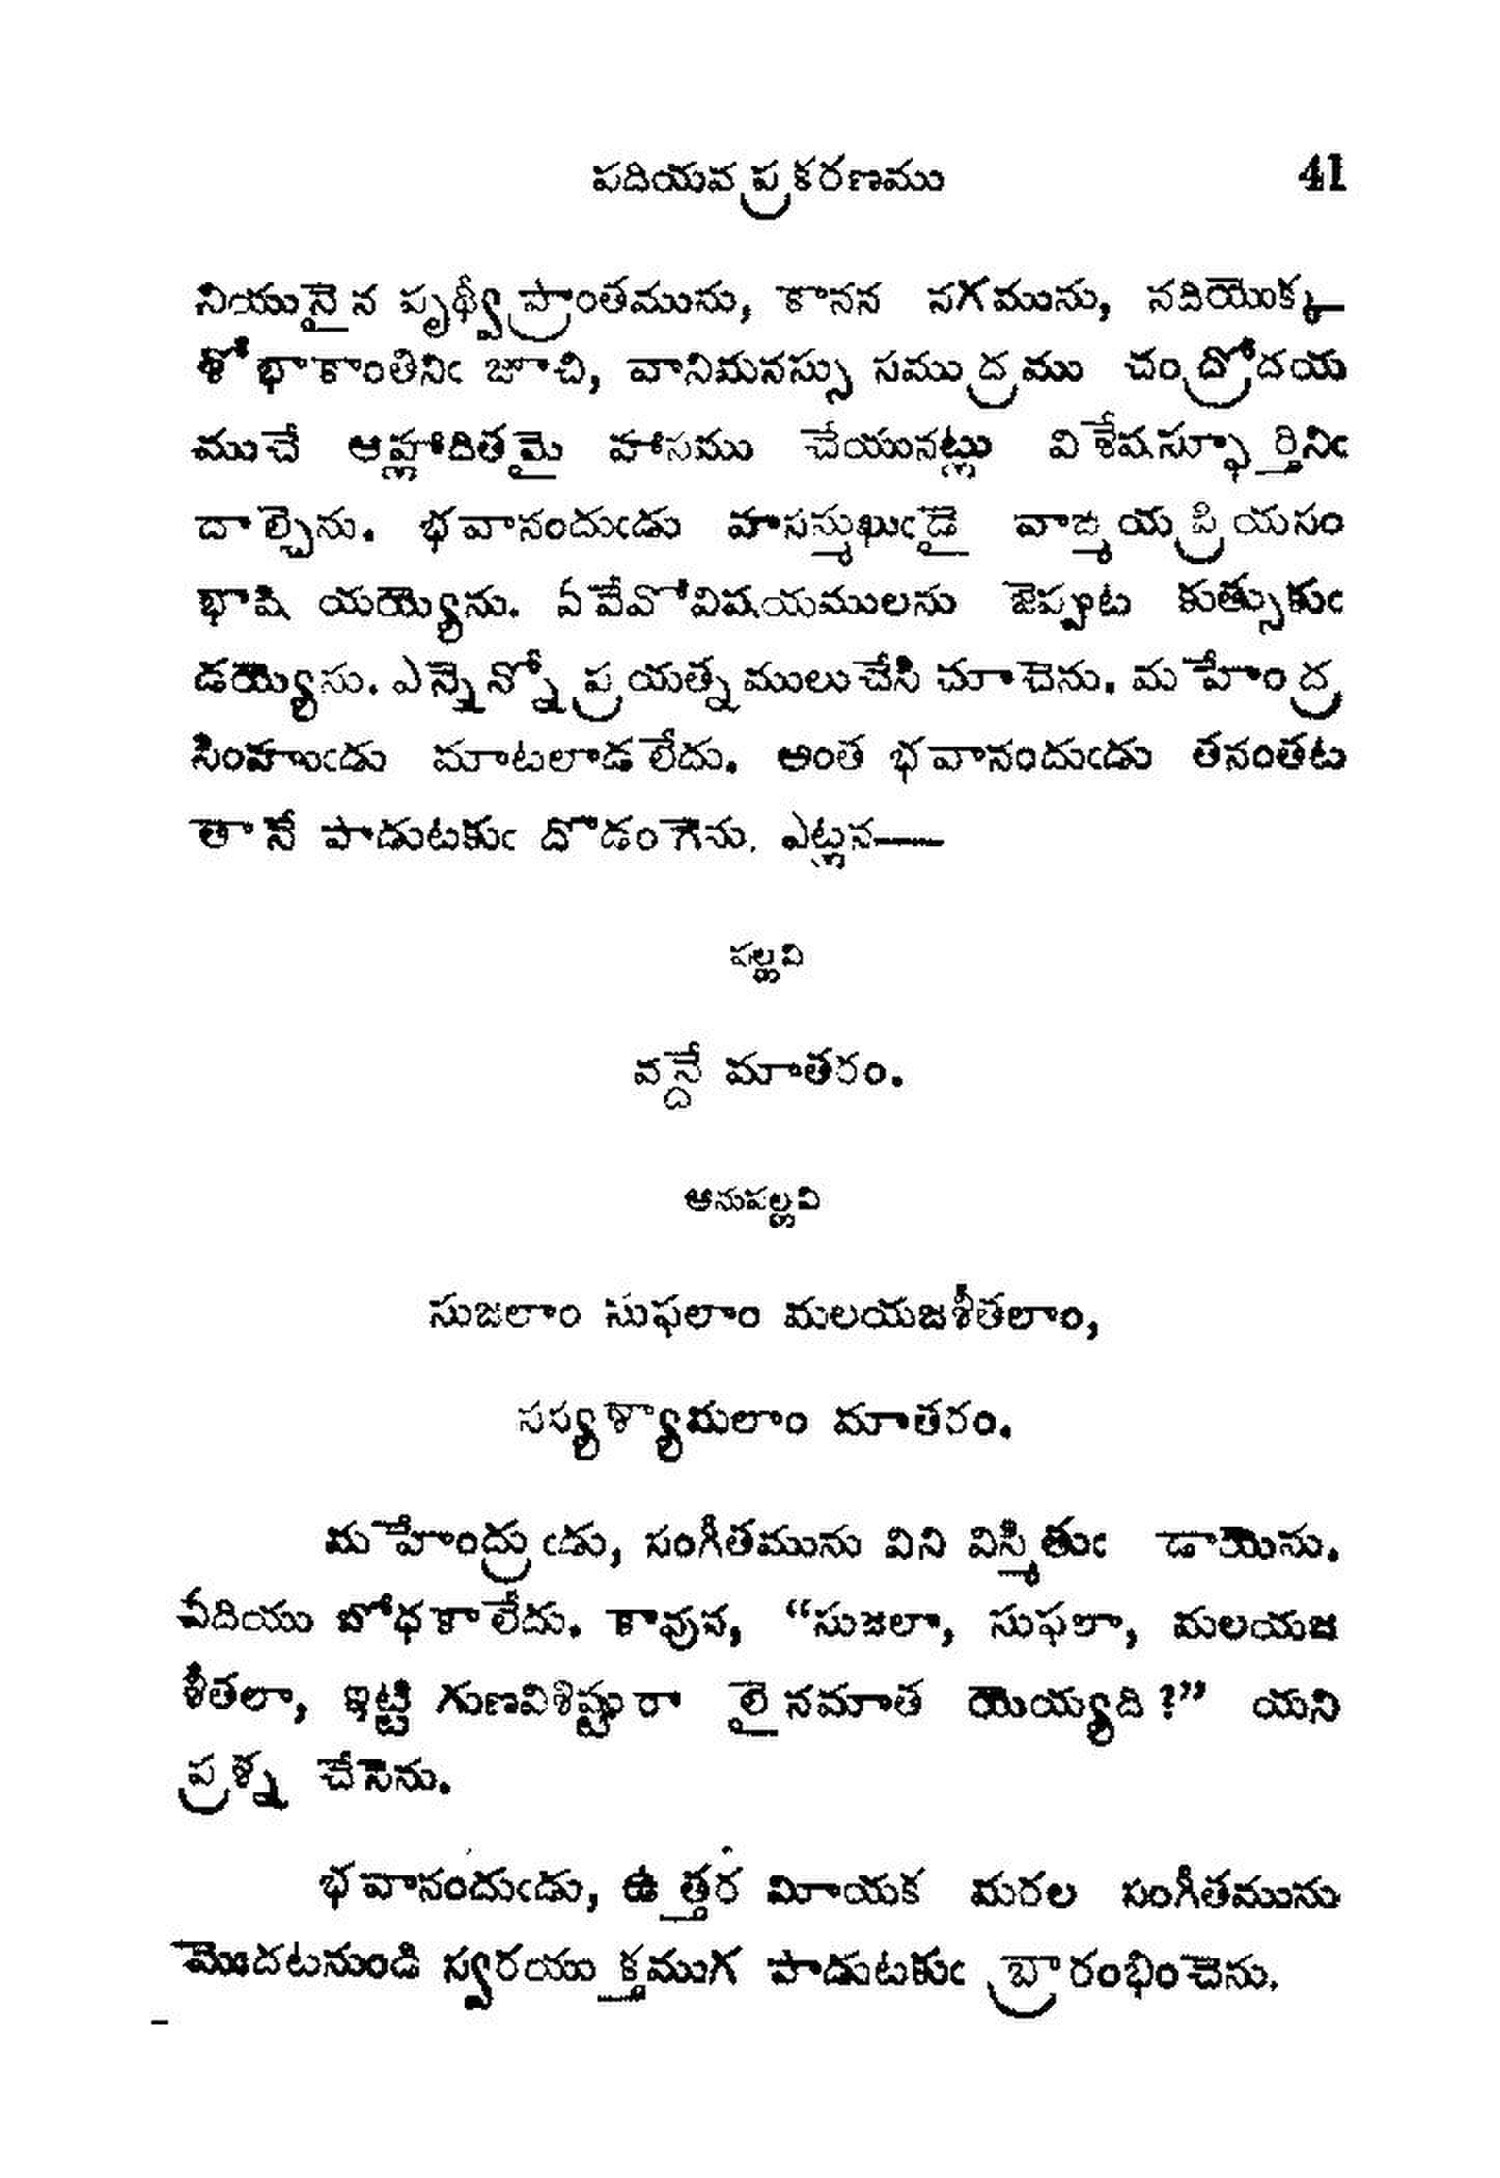నియునైన పృథ్వీ ప్రాంతమును, కానన నగమును, నదియొక్క శోభాకాంతినిఁ జూచి, వానిమనస్సు సముద్రము చంద్రోదయముచే ఆహ్లాదితమై హాసము చేయునట్లు విశేషస్ఫూర్తినిఁ దాల్చెను. భవానందుడు హసన్ముఖుఁడై వాఙ్మయ ప్రియసంభాషి యయ్యెను. ఏవేవోవిషయములను జెప్పుట కుత్సుకుఁ డయ్యెను. ఎన్నెన్నో ప్రయత్నములు చేసి చూచెను, మహేంద్ర సింహుఁడు మాటలాడలేదు. అంత భవానందుఁడు తనంతట తానే పాడుటకుఁ దొడంగెను. ఎట్లన——

మహేంద్రుఁడు, సంగీతమును విని విస్మితుఁ డాయెను. ఏదియు బోధకాలేదు. కావున, “సుజలా, సుఫలా, మలయజ శీతలా, ఇట్టి గుణవిశిష్టురా లైనమాత యెయ్యది ?" యని ప్రశ్న చేసెను.

భవానందుఁడు, ఉత్తర మీయక మరల సంగీతమును మొదటనుండి స్వరయుక్తముగ పాడుటకుఁ బ్రారంభించెను.